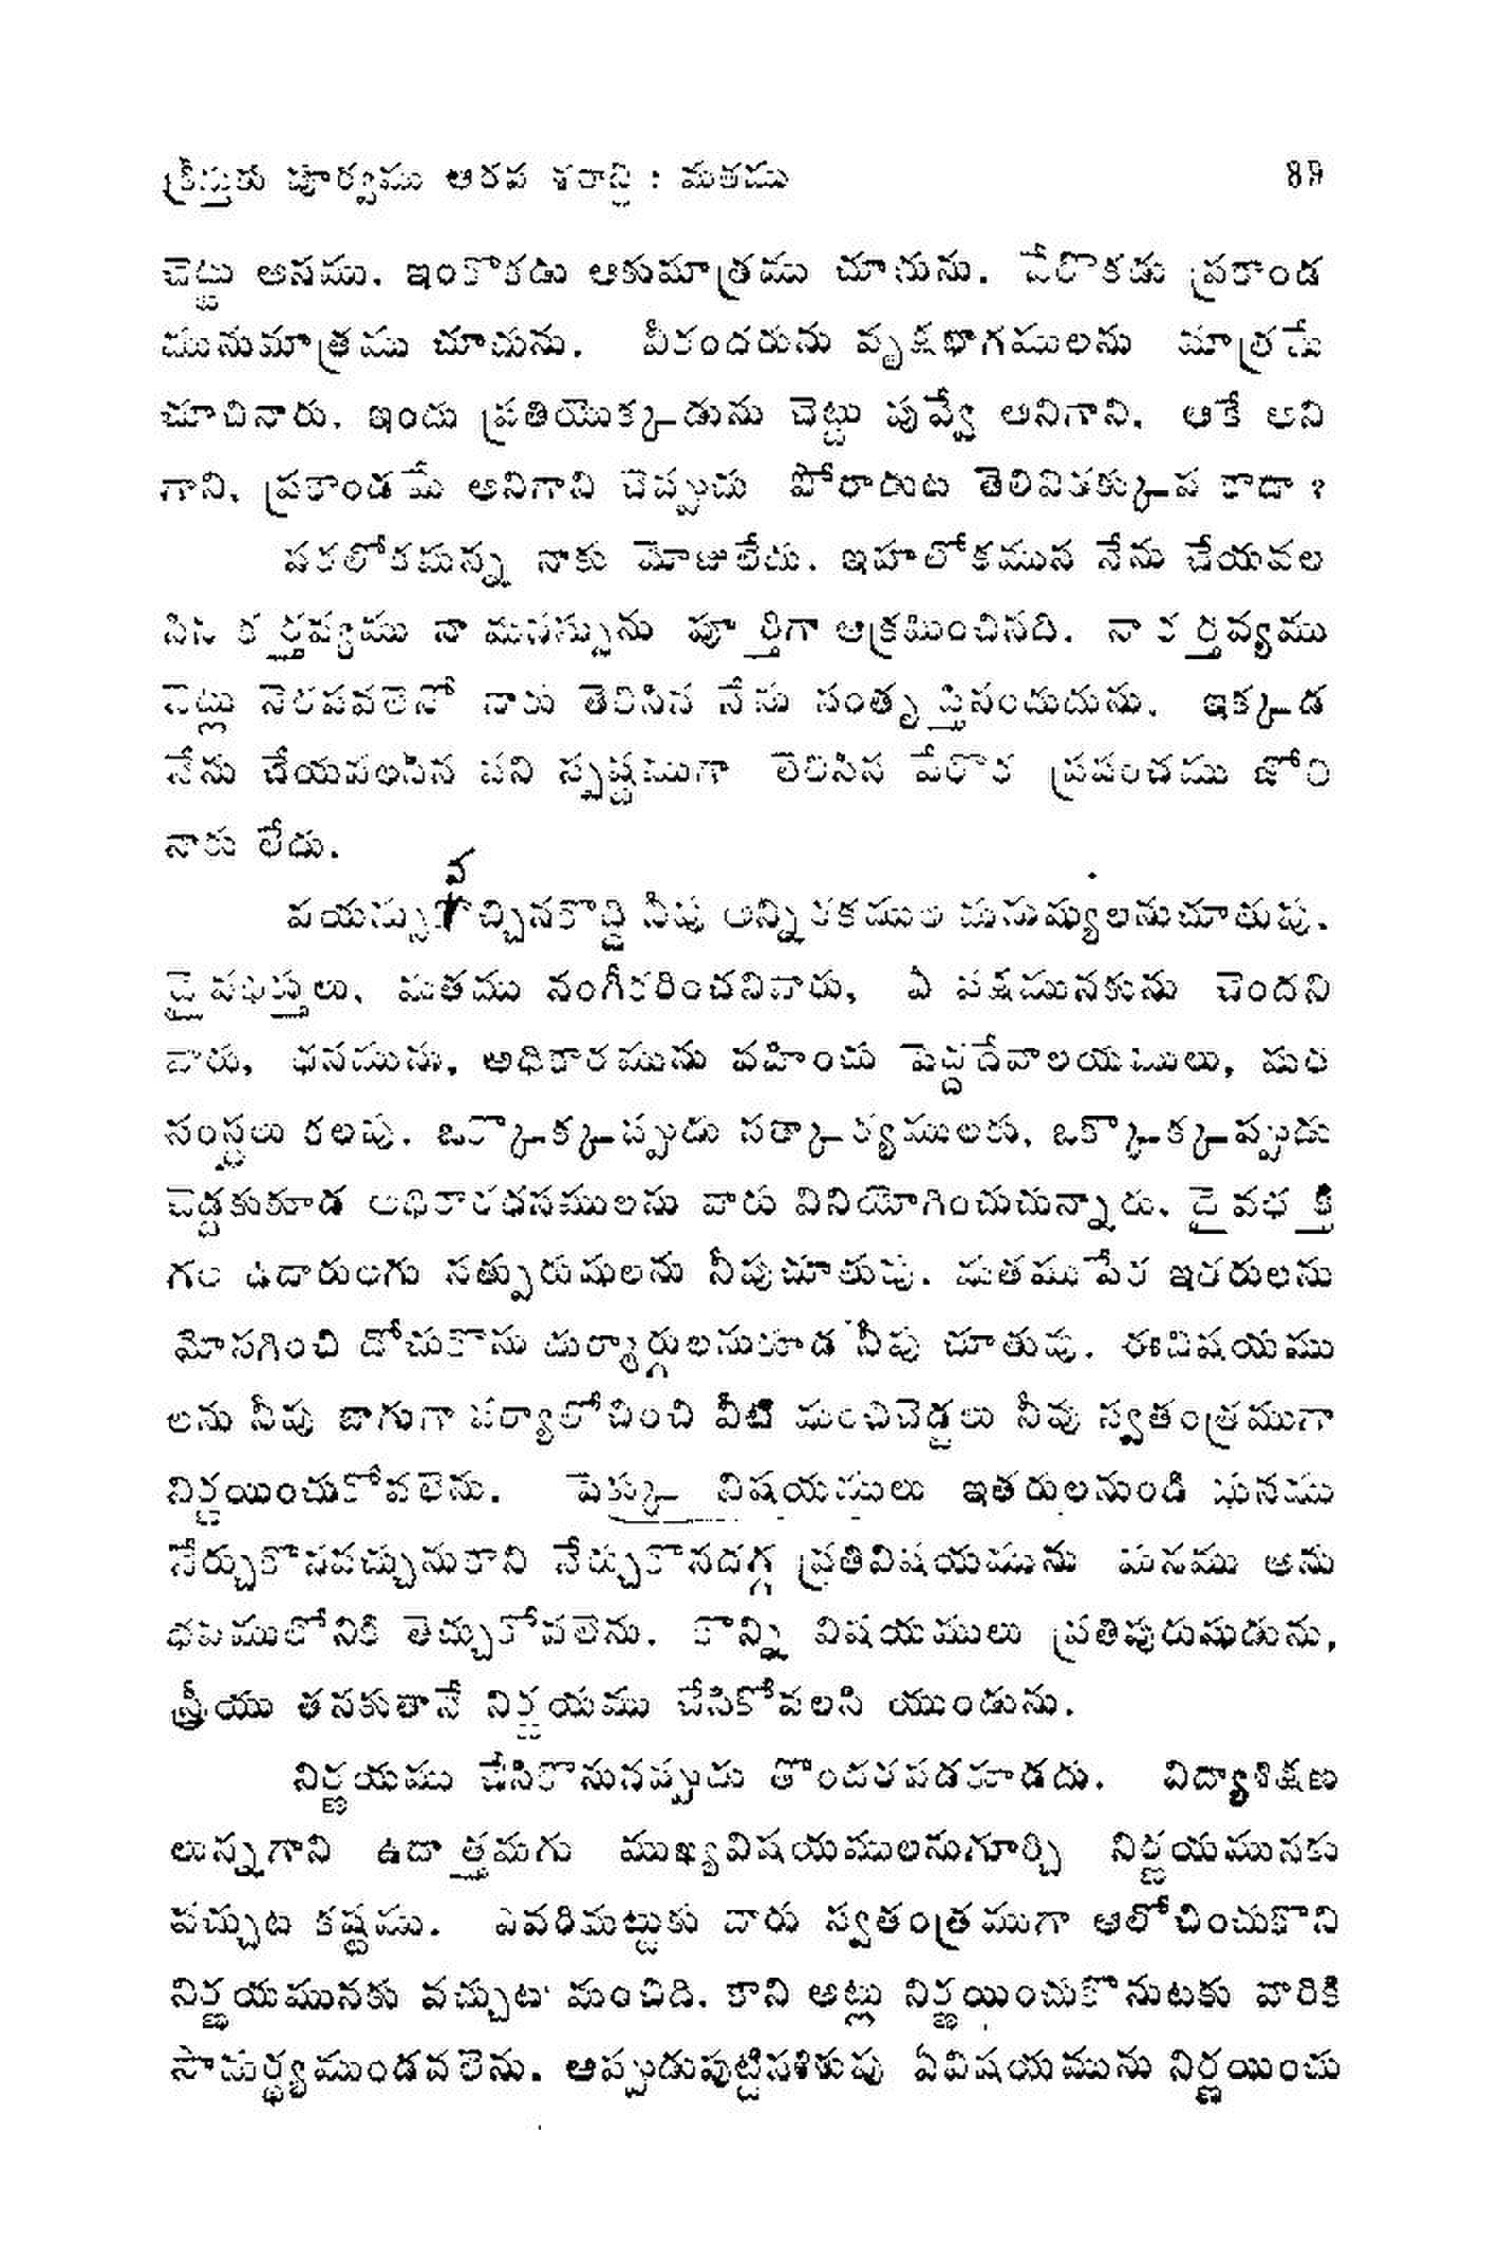చెట్టు అనము. ఇంకొకడు ఆకుమాత్రము చూచును. వేరొకడు ప్రకాండమునుమాత్రము చూచును. వీరందరును వృక్షభాగములను మాత్రమే చూచినారు. ఇందు ప్రతియొక్కడును చెట్టు పువ్వే అనిగాని, ఆకే అనిగాని, ప్రకాండమే అనిగాని చెప్పుచు పోరాడుట తెలివితక్కువ కాదా ?

పరలోకమన్న నాకు మోజులేదు. ఇహలోకమున నేను చేయవలసిన కర్తవ్యము నా మనస్సును పూర్తిగా ఆక్రమించినది. నాకర్తవ్యము నెట్లు నెరపవలెనో నాకు తెలిసిన నేను సంతృప్తినందుదును. ఇక్కడ నేను చేయవలసిన పని స్పష్టముగా తెలిసిస వేరొక ప్రపంచము జోలి నాకు లేదు.

వయస్సు వచ్చినకొద్ది నీవు అన్నిరకములు మనుష్యులనుచూతువు. దైవభక్తులు, మతము నంగీకరించనివారు, ఏ పక్షమునకును చెందనివారు, ధనమును, అధికారమును వహించు పెద్దదేవాలయములు, మత సంస్థలు కలవు. ఒక్కొక్కప్పుడు సత్కార్యములకు, ఒక్కొక్కప్పుడు చెడ్డకుకూడ అధికారధనములను వారు వినియోగించుచున్నారు. దైవభక్తి గల ఉదారులగు సత్పురుషులను నీపు చూతువు. మతము పేర ఇతరులను మోసగించి దోచుకొను దుర్మార్గులను కూడ నీపు చూతువు. ఈ విషయములను నీపు బాగుగా పర్యాలోచించి వీటి మంచిచెడ్డలు నీవు స్వతంత్రముగా నిర్ణయించుకోవలెను. పెక్కు విషయములు ఇతరులనుండి మనము నేర్చుకొనవచ్చునుకాని నేర్చుకొనదగ్గ ప్రతివిషయమును మనము అనుభపములోనికి తెచ్చుకోవలెను. కొన్ని విషయములు ప్రతిపురుషుడును, స్త్రీయు తనకుతానే నిర్ణయము చేసికోవలసి యుండును.

నిర్ణయము చేసికొనునప్పుడు తొందరపడకూడదు. విద్యాశిక్షణలున్నగాని ఉదాత్తమగు ముఖ్య విషయములనుగూర్చి నిర్ణయమునకు వచ్చుట కష్టము. ఎవరిమట్టుకు వారు స్వతంత్రముగా ఆలోచించుకొని నిర్ణయమునకు వచ్చుట మంచిది. కాని అట్లు నిర్ణయించుకొనుటకు వారికి సామర్థ్యముండవలెను. అప్పుడు పుట్టినశిశువు ఏవిషయమును నిర్ణయించు